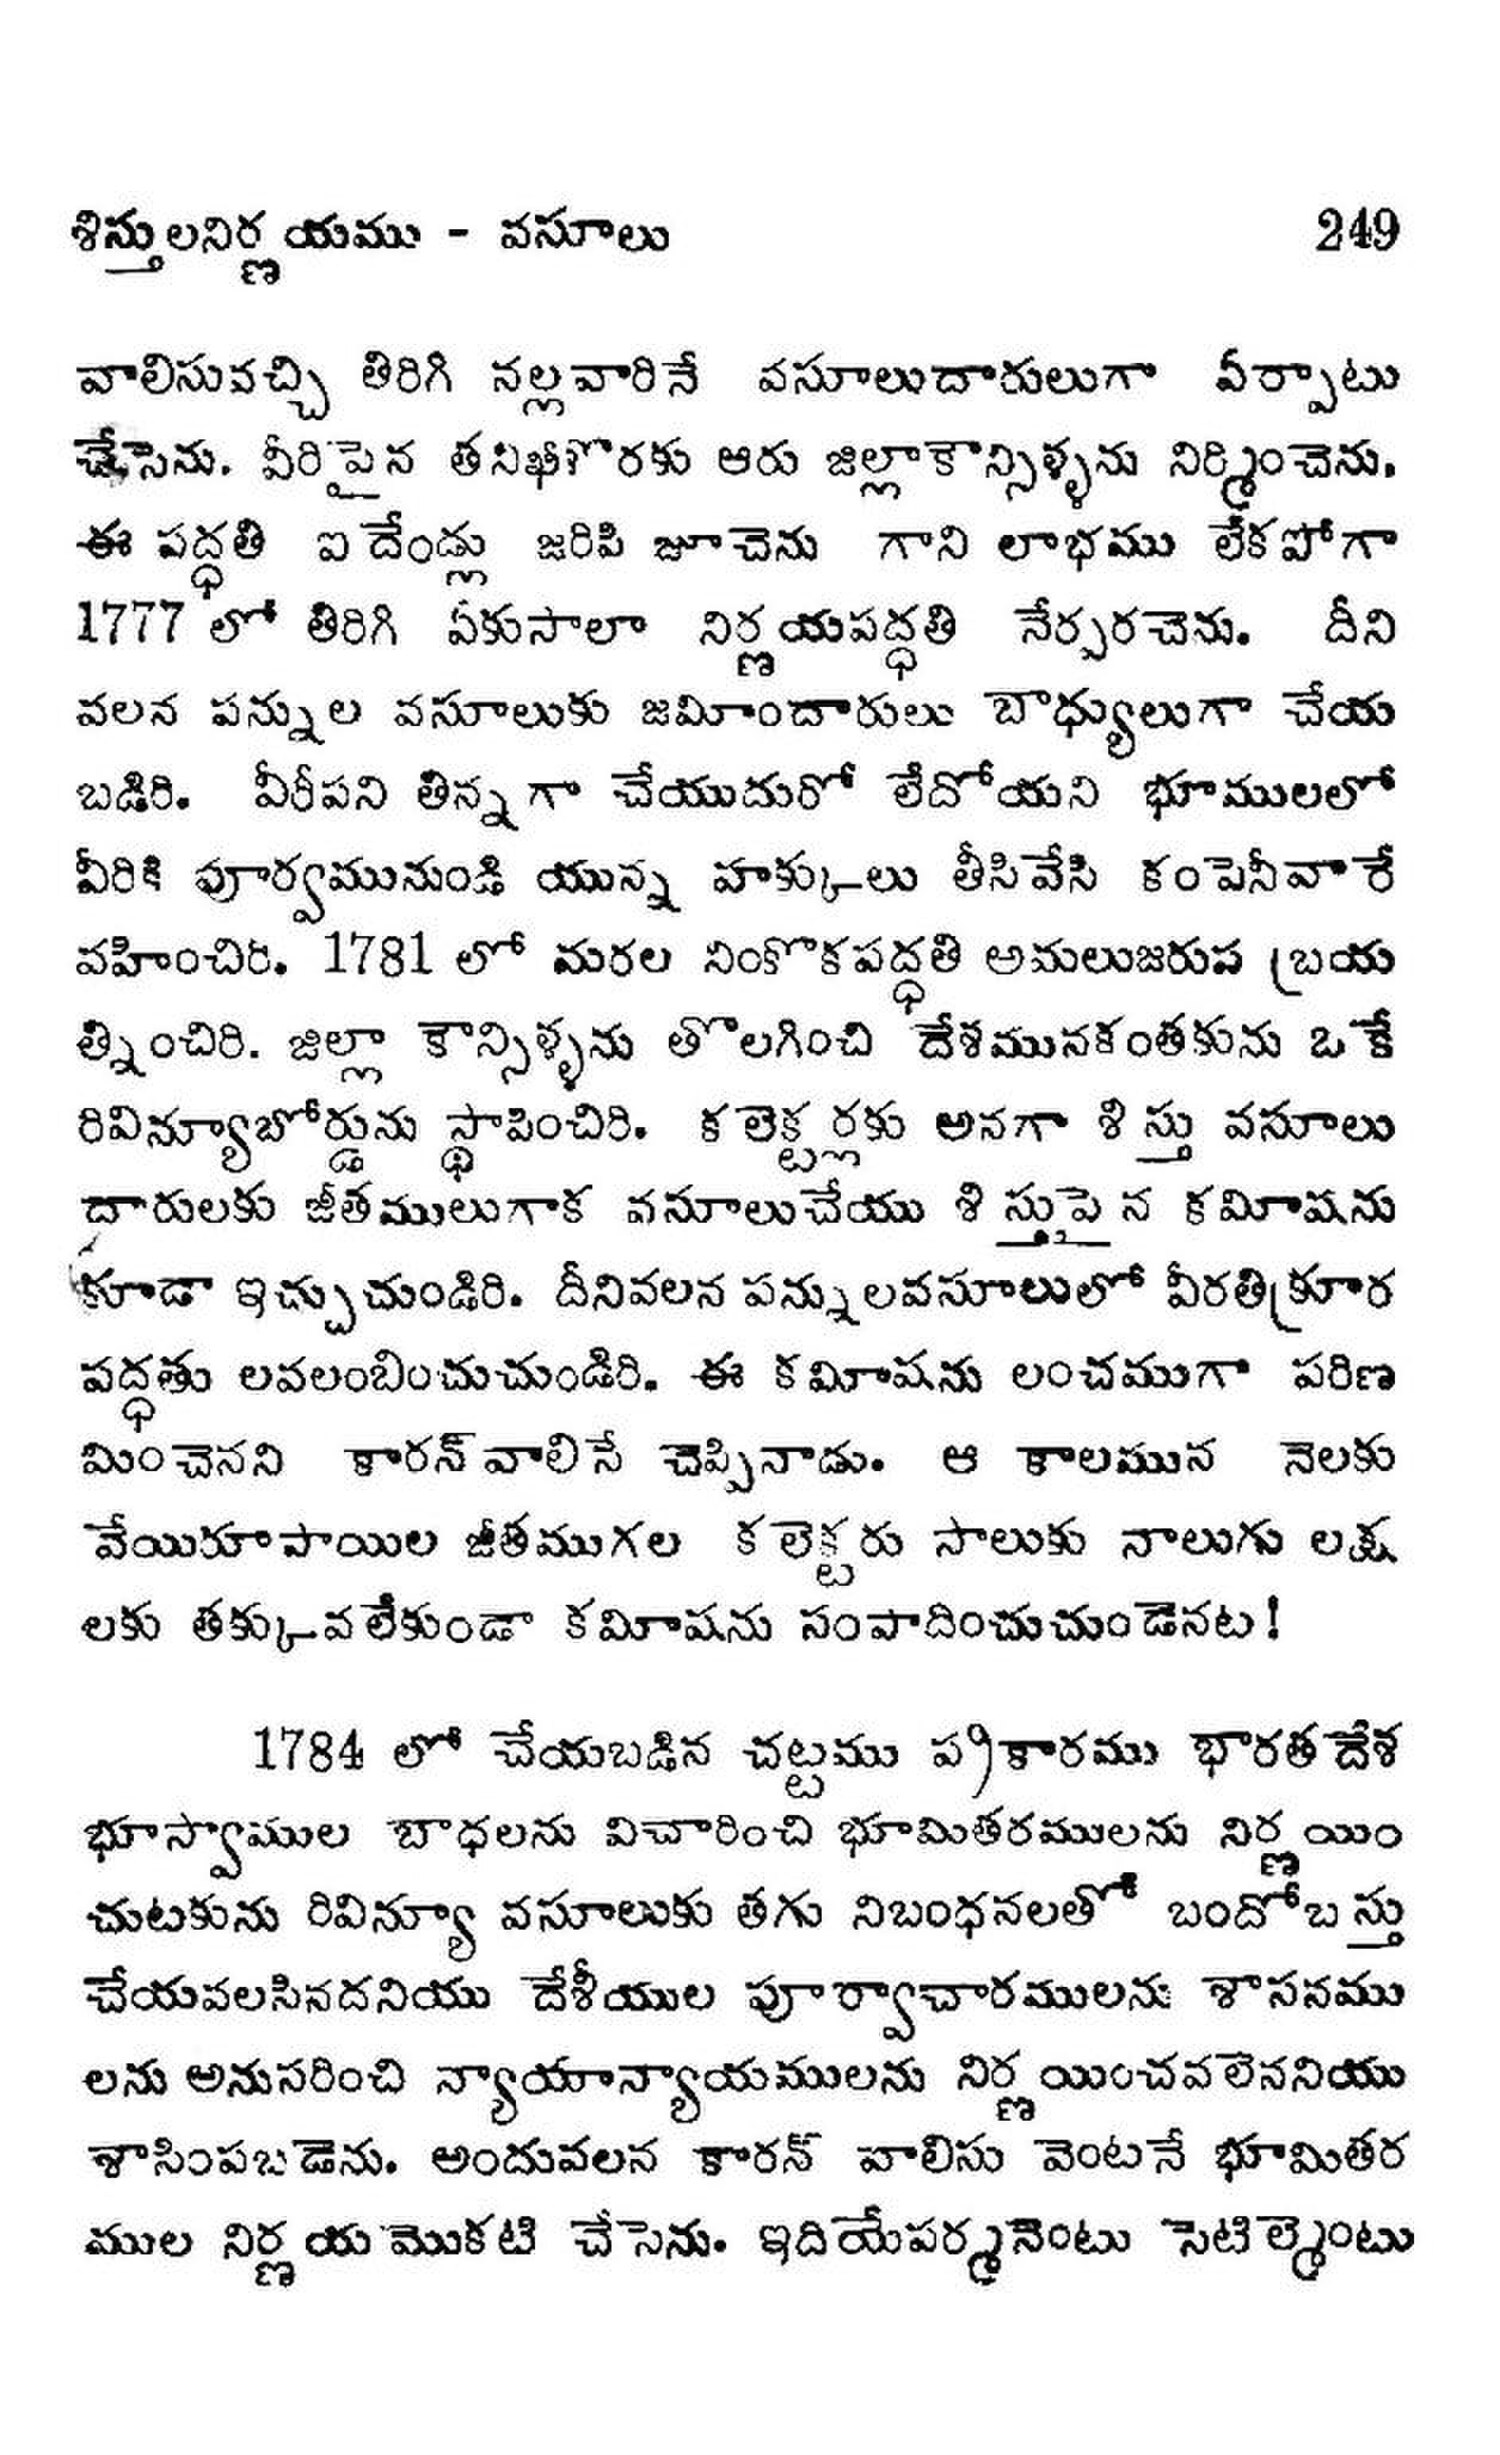వాలిసువచ్చి తిరిగి నల్లవారినే వసూలుదారులుగా ఏర్పాటుచేసెను. వీరిపైన తనిఖీకొరకు ఆరు జిల్లాకౌన్సిళ్ళను నిర్మించెను, ఈ పద్దతి ఐదేండ్లు జరిపి జూచెను గాని లాభము లేకపోగా 1777లో తిరిగి ఏకుసాలా నిర్ణయపద్ధతి నేర్పరచెను. దీనివలన పన్నుల వసూలుకు జమీందారులు బాధ్యులుగా చేయబడిరి. వీరీపని తిన్నగా చేయుదురో లేదోయని భూములలో వీరికి పూర్వమునుండి యున్న హక్కులు తీసివేసి కంపెనీవారే వహించిరి. 1781 లో మరల నింకొక పద్ధతి అమలుజరుప బ్రయత్నించిరి. జిల్లా కౌన్సిళ్ళను తొలగించి దేశమునకంతకును ఒకే రివిన్యూబోర్డును స్థాపించిరి. కలెక్టర్లకు అనగా శిస్తు వసూలు దారులకు జీతములుగాక వసూలుచేయు శిస్తుపైన కమిషను కూడా ఇచ్చుచుండిరి. దీనివలన పన్నులవసూలులో వీరతిక్రూరపద్దతు లవలంబించుచుండిరి. ఈ కమీషను లంచముగా పరిణమించెనని కారన్ వాలిసే చెప్పినాడు. ఆ కాలమున నెలకు వేయిరూపాయిల జీతముగల కలెక్టరు సాలుకు నాలుగు లక్షలకు తక్కువలేకుండా కమిషను సంపాదించుచుండెనట!

1784 లో చేయబడిన చట్టము ప్రకారము భారతదేశ భూస్వాముల బాధలను విచారించి భూమితరములను నిర్ణయించుటకును రివిన్యూ వసూలుకు తగు నిబంధనలతో బందోబస్తు చేయవలసినదనియు దేశీయుల పూర్వాచారములను శాసనములను అనుసరించి న్యాయాన్యాయములను నిర్ణయించవలెననియు శాసింపబడెను. అందువలన కారన్ వాలిసు వెంటనే భూమితరముల నిర్లయమొకటి చేసెను. ఇదియేపర్మనెంటు సెటిల్మెంటు